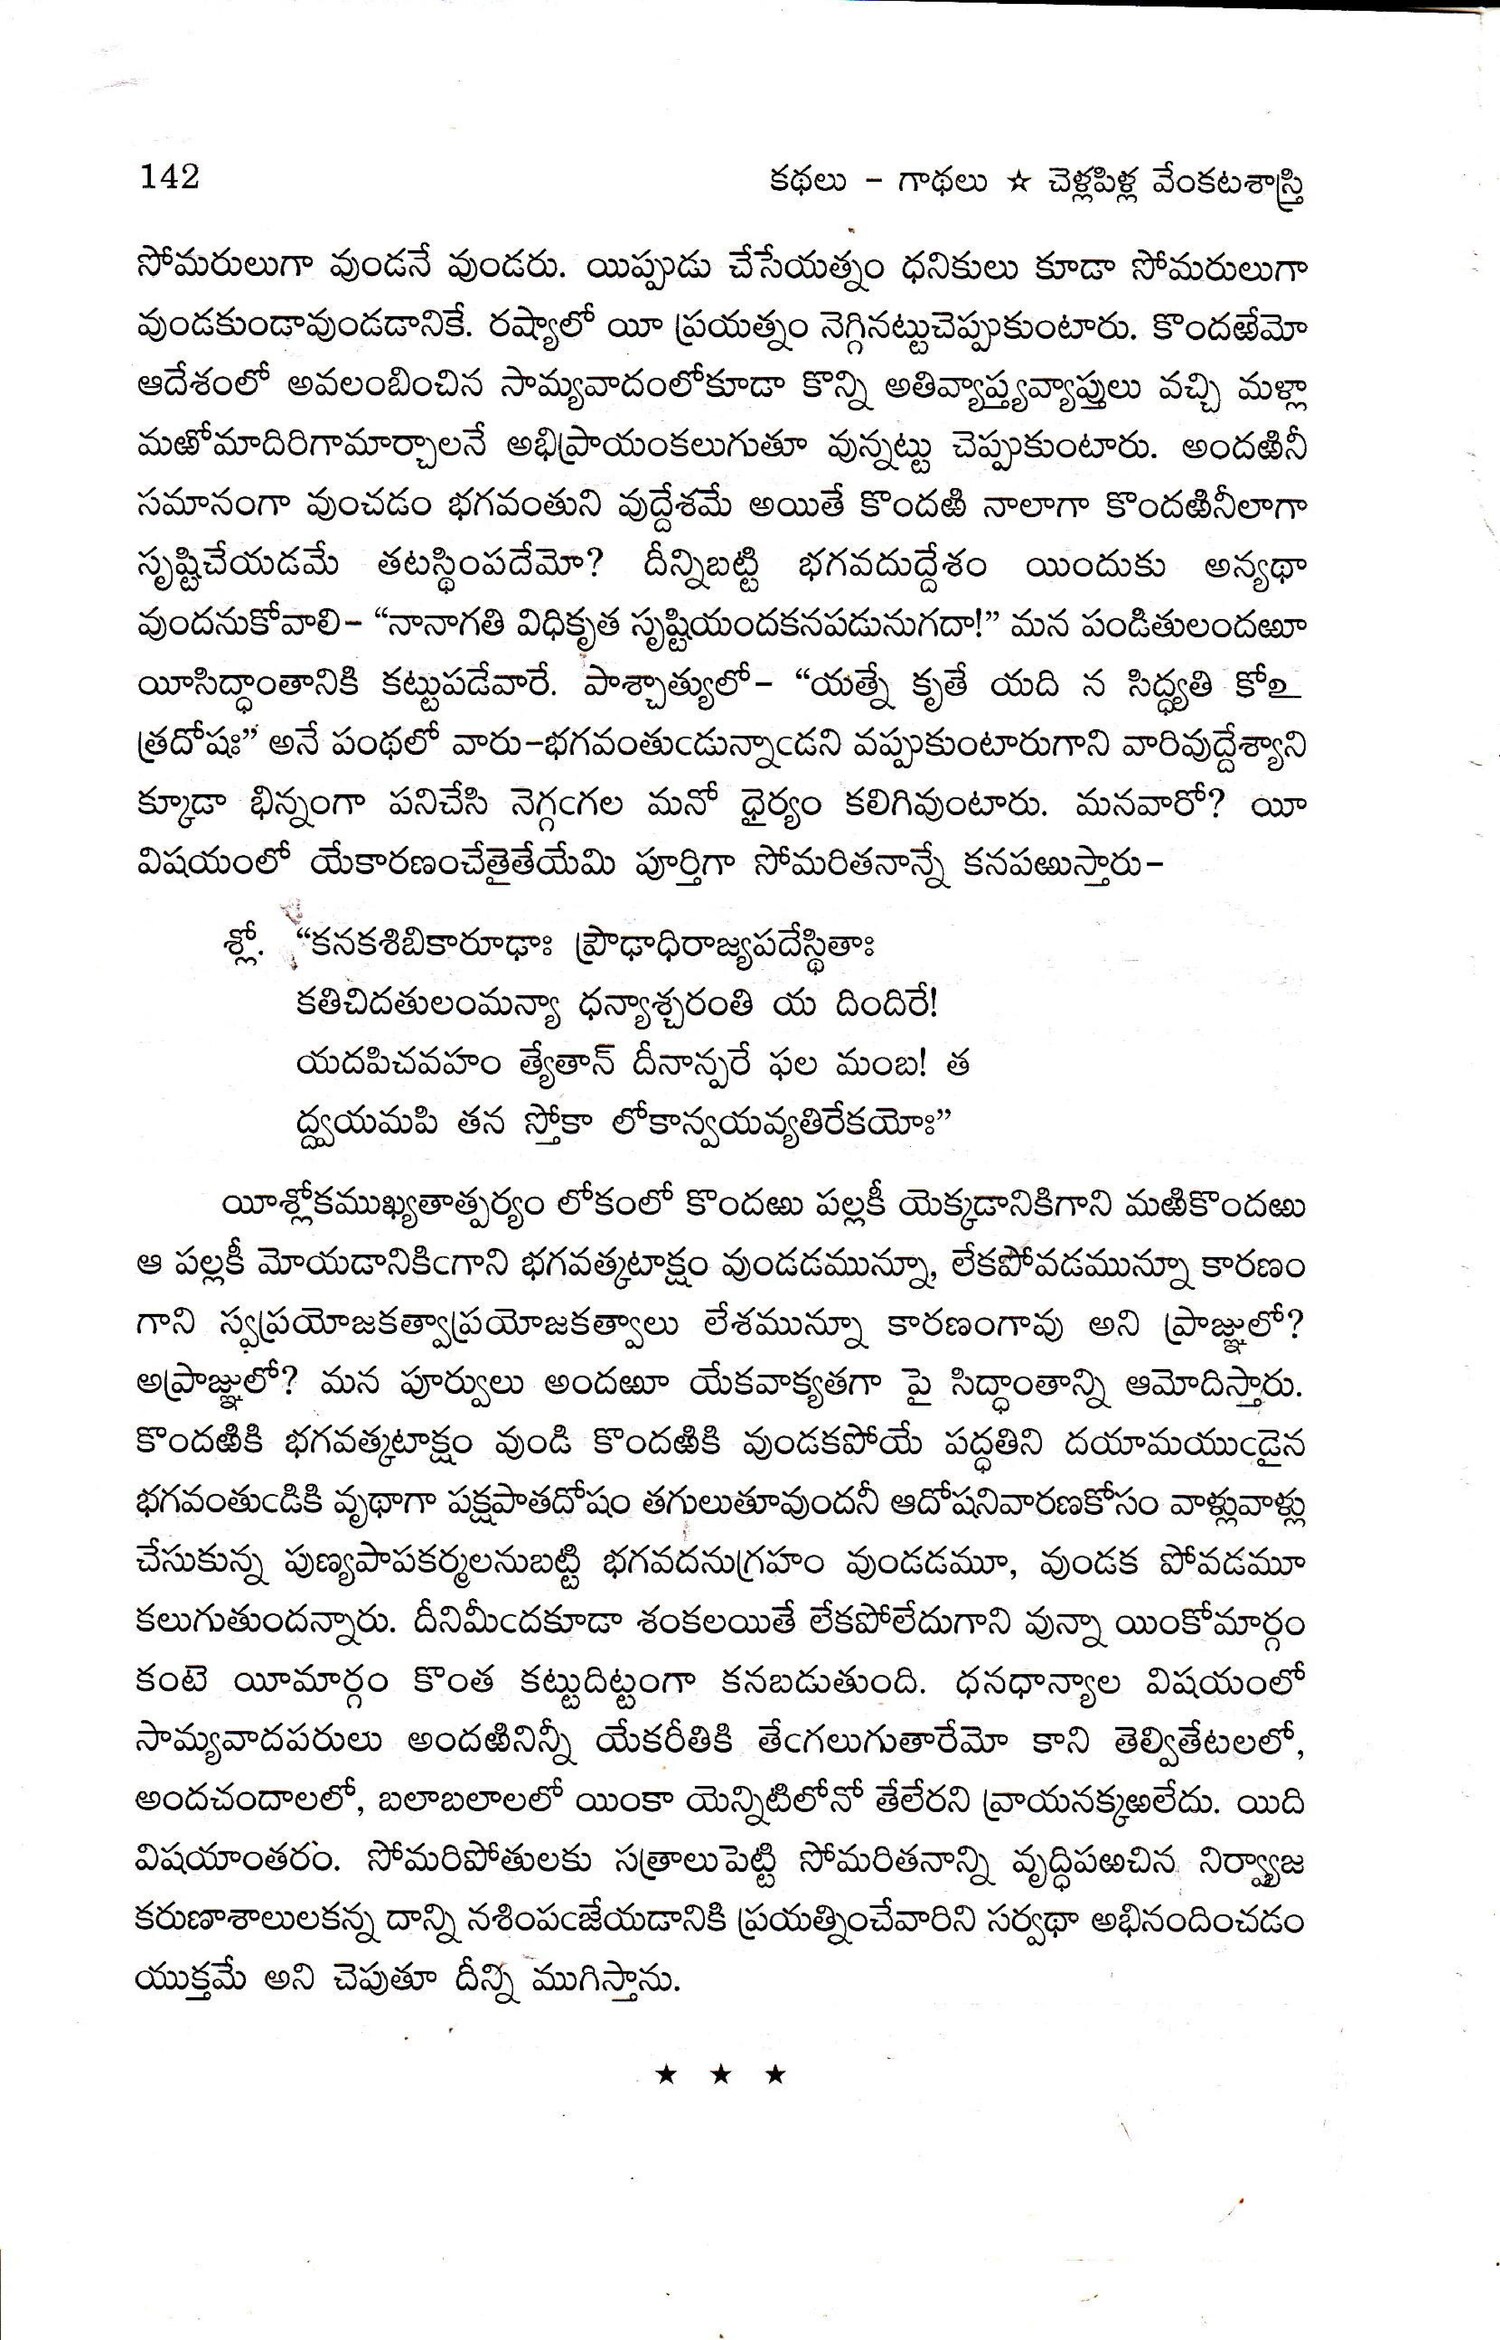సోమరులుగా వుండనే వుండరు. యిప్పుడు చేసేయత్నం ధనికులు కూడా సోమరులుగా వుండకుండావుండడానికే. రష్యాలో యీ ప్రయత్నం నెగ్గినట్టుచెప్పుకుంటారు. కొందఱేమో ఆదేశంలో అవలంబించిన సామ్యవాదంలోకూడా కొన్ని అతివ్యాప్త్యవ్యాప్తులు వచ్చి మళ్లా మఱోమాదిరిగామార్చాలనే అభిప్రాయంకలుగుతూ వున్నట్టు చెప్పుకుంటారు. అందఱినీ సమానంగా వుంచడం భగవంతుని వుద్దేశమే అయితే కొందఱి నాలాగా కొందఱినీలాగా సృష్టిచేయడమే తటస్థింపదేమో? దీన్నిబట్టి భగవదుద్దేశం యిందుకు అన్యథా వుందనుకోవాలి- "నానాగతి విధికృత సృష్టియందకనపడునుగదా!" మన పండితులందఱూ యీసిద్ధాంతానికి కట్టుపడేవారే. పాశ్చాత్యులో- “యత్నే కృతే యది న సిద్ధ్యతి కోஉ త్రదోషః" అనే పంథలో వారు-భగవంతుఁడున్నాఁడని వప్పుకుంటారుగాని వారివుద్దేశ్యాని క్కూడా భిన్నంగా పనిచేసి నెగ్గఁగల మనో ధైర్యం కలిగివుంటారు. మనవారో? యీ విషయంలో యేకారణంచేతైతేయేమి పూర్తిగా సోమరితనాన్నే కనపఱుస్తారు

శ్లో. "కనకశిబికారూఢాః ప్రౌఢాధిరాజ్యపదేస్థితాః
 కతిచిదతులంమన్యా ధన్యాశ్చరంతి య దిందిరే! 
 యదపిచవహం త్యేతాన్ దీనాన్పరే ఫల మంబ! త 
 ద్ద్వయమపి తన స్తోకా లోకాన్వయవ్యతిరేకయో"
యీశ్లోకముఖ్యతాత్పర్యం లోకంలో కొందఱు పల్లకీ యెక్కడానికిగాని మఱికొందఱు ఆ పల్లకీ మోయడానికిఁగాని భగవత్కటాక్షం వుండడమున్నూ లేకపోవడమున్నూ కారణం గాని స్వప్రయోజకత్వాప్రయోజకత్వాలు లేశమున్నూ కారణంగావు అని ప్రాజ్ఞులో? అప్రాజ్ఞులో? మన పూర్వులు అందఱూ యేకవాక్యతగా పై సిద్ధాంతాన్ని ఆమోదిస్తారు. కొందఱికి భగవత్కటాక్షం వుండి కొందఱికి వుండకపోయే పద్ధతిని దయామయుఁడైన భగవంతుఁడికి వృథాగా పక్షపాతదోషం తగులుతూవుందనీ ఆదోషనివారణకోసం వాళ్లువాళ్లు చేసుకున్న పుణ్యపాపకర్మలనుబట్టి భగవదనుగ్రహం వుండడమూ, వుండక పోవడమూ కలుగుతుందన్నారు. దీనిమీcదకూడా శంకలయితే లేకపోలేదుగాని వున్నా యింకోమార్గం కంటె యీమార్గం కొంత కట్టుదిట్టంగా కనబడుతుంది. ధనధాన్యాల విషయంలో సామ్యవాదపరులు అందఱినిన్నీ యేకరీతికి తేఁగలుగుతారేమో కాని తెల్వితేటలలో, అందచందాలలో, బలాబలాలలో యింకా యెన్నిటిలోనో తేలేరని వ్రాయనక్కఱలేదు. యిది విషయాంతరం. సోమరిపోతులకు సత్రాలుపెట్టి సోమరితనాన్ని వృద్ధిపఱచిన నిర్వ్యాజ కరుణాశాలులకన్నదాన్ని నశింపఁజేయడానికి ప్రయత్నించేవారిని సర్వథా అభినందించడం యుక్తమే అని చెపుతూ దీన్ని ముగిస్తాను.